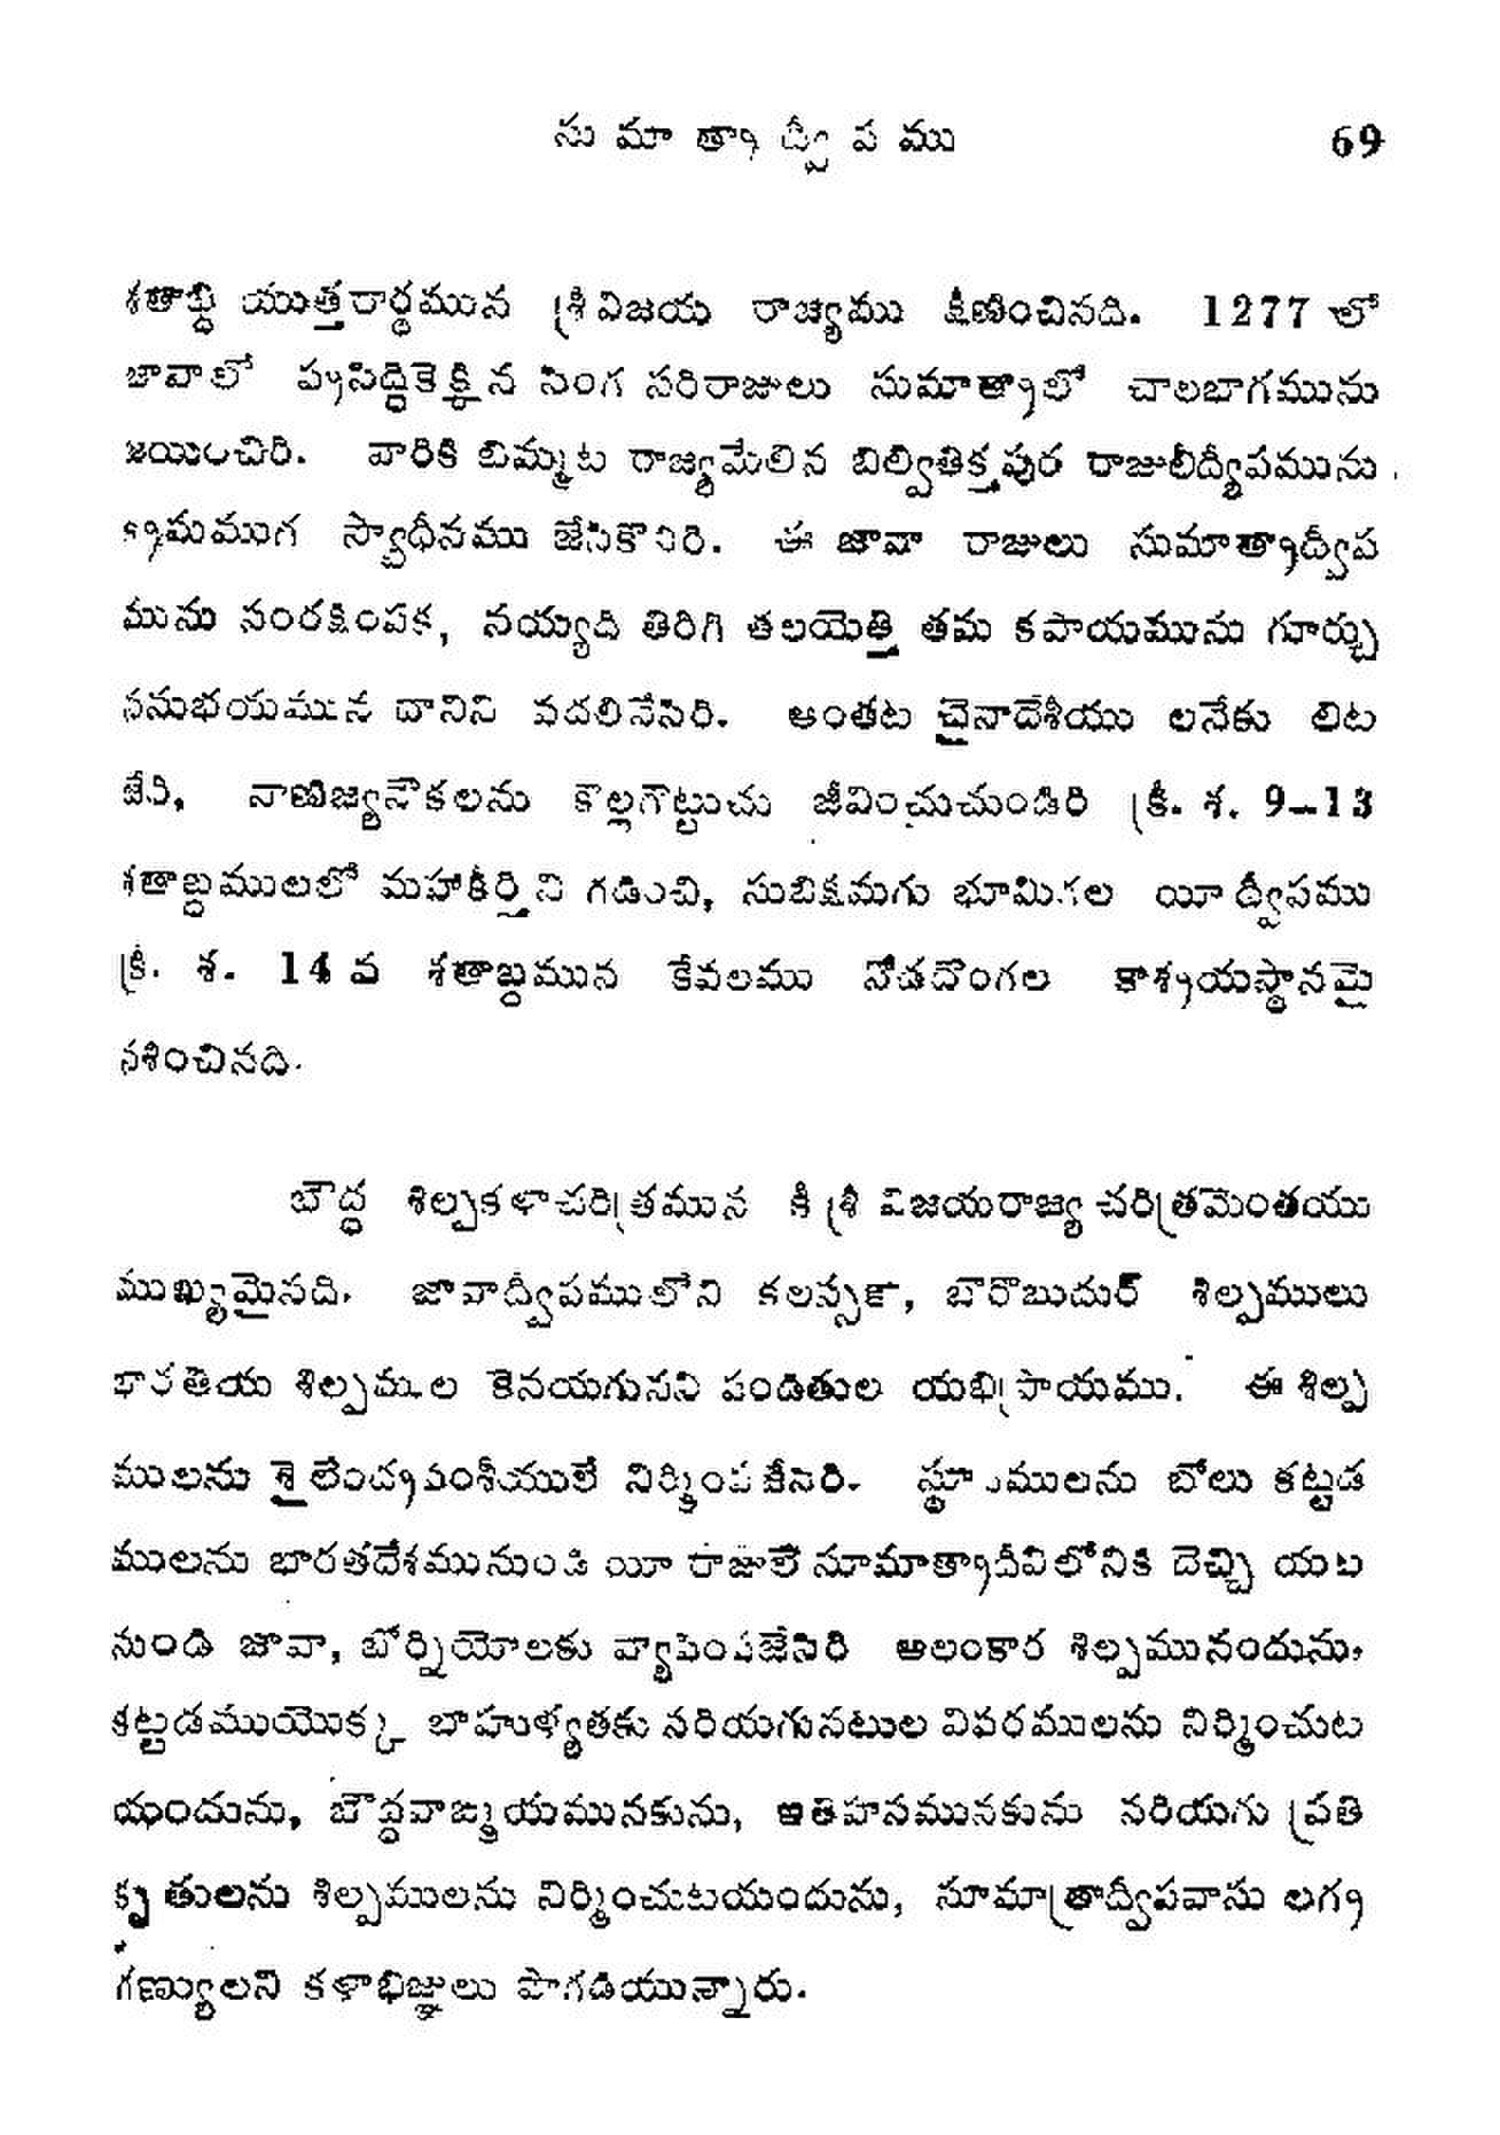శతాబ్ది యుత్తరార్థమున శ్రీవిజయ రాజ్యము క్షీణించినది. 1277 లో జావాలో ప్రసిద్ధికెక్కిన సింగ నరిరాజులు సుమాత్రాలో చాలభాగమును జయించిరి. వారికి బిమ్మట రాజ్యమేలిన బిల్వొతిక్తపుర రాజులీద్వీపమును క్రమముగ స్వాధీనము జేసికొనిరి. ఈ జావా రాజులు సుమాత్రాద్వీపమును సంరక్షింపక, నయ్యది తిరిగి తలయెత్తి తమ కపాయమును గూర్చుననుభయమున దానిని వదిలివేసిరి. అంతట చైనాదేశీయు లనేకు లిటజేరి, వాణిజ్యనౌకలను కొల్లగొట్టుచు జీవించుచుండిరి. క్రీ. శ. 9-13 శతాబ్దములలో మహాకీర్తిని గడించి, సుభిక్షమగు భూమిగల యీ ద్వీపము క్రీ. శ. 14 వ శతాబ్దమున కేవలము నోడదొంగల కాశ్రయస్థానమై నశించినది.

బౌద్ద శిల్పకళాచరిత్రమున క్రీ శ్రీ విజయరాజ్య చరిత్రమెంతయు ముఖ్యమైనది. జావాద్వీపములోని కలస్సన్, బొరొబుదుర్ శిల్పములు భారతీయ శిల్పముల కెనయగునవి పండితుల యభిప్రాయము. ఈ శిల్పములను శైలేంద్రవంశీయులే నిర్మింపజేసిరి. స్థూపములను బోలు కట్టడములను భారతదేశమునుండి యీ రాజులే సూమాత్రాదీవిలోనికి దెచ్చి యటనుండి జావా, బోర్నియోలకు వ్యాపింపజేసిరి. అలంకార శిల్పమునందును, కట్టడముయొక్క బాహుళ్యతకు సరియగునటుల వివరములను నిర్మించుట యందును, బౌద్దవాఙ్మయమునకును, ఇతిహాసమునకును సరియగు ప్రతికృతులను శిల్పములను నిర్మించుటయందును, సూమాత్రాద్వీపవాసు లగ్రగణ్యులని కళాభిజ్ఞులు పొగడియున్నారు.